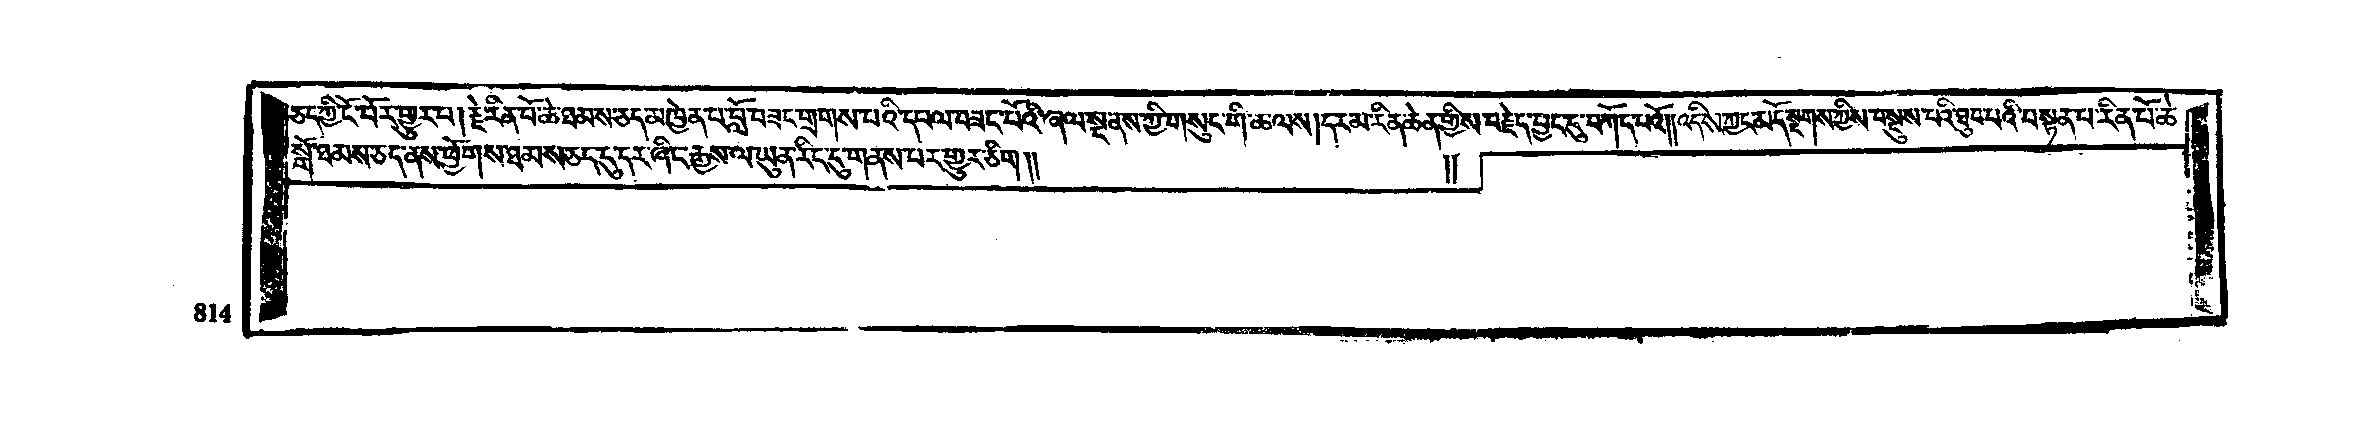ཅད་ཀྱི་ངོ་བོར་གྱུར་པ། རྗེ་རིན་པོ་ཆེ་ཐམས་ཅད་མཁྱེན་པ་བློ་བཟང་གྲགས་པའི་དཔལ་བཟང་པོའི་ཞལ་སྔ་ནས་ཀྱི་གསུང་གི་ཆ་ལས། དར་མ་རིན་ཆེན་གྱིས་བརྗེད་བྱང་དུ་བཀོད་པའོ། །འདིས་ཀྱང་མདོ་སྔགས་ཀྱིས་བསྡུས་པའི་ཐུབ་པའི་བསྟན་པ་རིན་པོ་ཆེ་
སྒོ་ཐམས་ཅད་ནས་ཕྱོགས་ཐམས་ཅད་དུ་དར་ཞིང་རྒྱས་ལ་ཡུན་རིང་དུ་གནས་པར་གྱུར་ཅིག།། །།